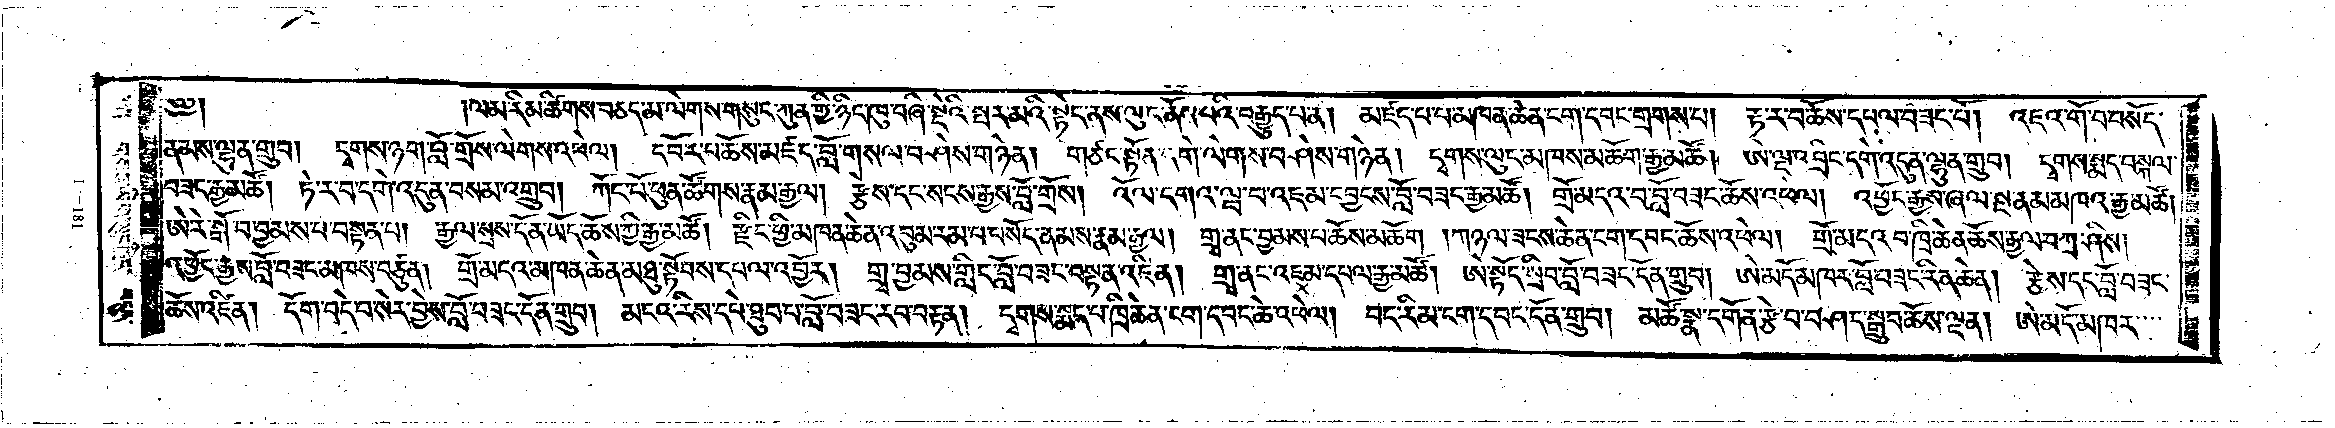༄༅། །ལམ་རིམ་ཚིགས་བཅད་མ་ལེགས་གསུང་ཀུན་གྱི་ཉིད་ཁུ་བཞི་སྡེའི་སྤར་མའི་སྟེང་ནས་ལུང་ནོས་པའི་བརྒྱུད་པ་ན། མཛད་པ་པ་མཁན་ཆེན་ངག་དབང་གྲགས་པ། རྟ་ར་བ་ཆོས་དཔལ་བཟང་པོ། འཇའ་ཇོ་བ་བསོད་
ནམས་ལྷུན་གྲུབ། དྭགས་ཉག་བློ་གྲོས་ལེགས་འཕེལ། དབོར་པ་ཆོས་མཛད་བློ་གསལ་བཤེས་གཉེན། གཙང་སྟོན་དགེ་ལེགས་བཤེས་གཉེན། དྭགས་ལུང་མཁས་མཆོག་རྒྱ་མཚོ། ཨེ་ལྔ་འབྲིང་དགེ་འདུན་ལྷུང་གྲུབ། དྭགས་སྨད་བསྐལ་
བཟང་རྒྱ་མཚོ། ཏེ་ར་བ་དགེ་འདུན་བསམ་འགྲུབ། ཀོང་པོ་ཕུན་ཚོགས་རྣམ་རྒྱལ། རྩེས་དང་སངས་རྒྱས་བློ་གྲོས། འོལ་དགའ་ལྦ་བ་འཇམ་དབྱངས་བློ་བཟང་རྒྱ་མཚོ། གྲོ་མདའ་བ་བློ་བཟང་ཆོས་འཕེལ། འཕྱོང་རྒྱས་ཞལ་སྔ་ནམ་མཁའ་རྒྱ་མཚོ།
ཨེ་རེ་སྒོ་བ་བྱམས་པ་བསྟན་པ། རྒྱལ་སྲས་དོན་ཡོད་ཆོས་ཀྱི་རྒྱ་མཚོ། རྫིང་ཕྱི་མཁན་ཆེན་འབུམ་རམ་པ་བསོད་ནམས་རྣམ་རྒྱལ། གྲྭ་ནང་བྱམས་པ་ཆོས་མཆོག། །གཉལ་ཟངས་ཆེན་ངག་དབང་ཆོས་འཕེལ། གྲོ་མདའ་བ་ཁྲི་ཆེན་ཆོས་རྒྱལ་བཀྲ་ཤིས།
འཕྱོང་རྒྱས་བློ་བཟང་མཁས་བཙུན། གྲོ་མདའ་མཁན་ཆེན་མཐུན་སྟོབས་དཔལ་འབྱོར། གྲྭ་བྱམས་གླིང་བློ་བཟང་བསྟན་འཛིན། གྲྭ་ནང་འཇམ་དཔལ་རྒྱ་མཚོ། ཨེ་སྟོད་སྲིབ་བློ་བཟང་དོན་གྲུབ། ཨེ་མདོ་མཁར་བློ་བཟང་རིན་ཆེན། རྩེས་དང་བློ་བཟང་
ཆོས་འཛིན། དོག་བདེབ་སེར་བྱེས་བློ་བཟང་དོན་གྲུབ། མངའ་རིས་དཔེ་ཐུབ་པ་བློ་བཟང་རབ་བརྟན། དྭགས་སྨད་པ་ཁྲི་ཆེན་ངག་དབང་ཆེ་འཕེལ། བང་རིམ་ངག་དབང་དོན་གྲུབ། མཚོ་སྣ་དགོན་རྩེ་བ་བཤད་སྒྲུབ་ཆོས་ལྡན། ཨེ་མདོ་མཁར་